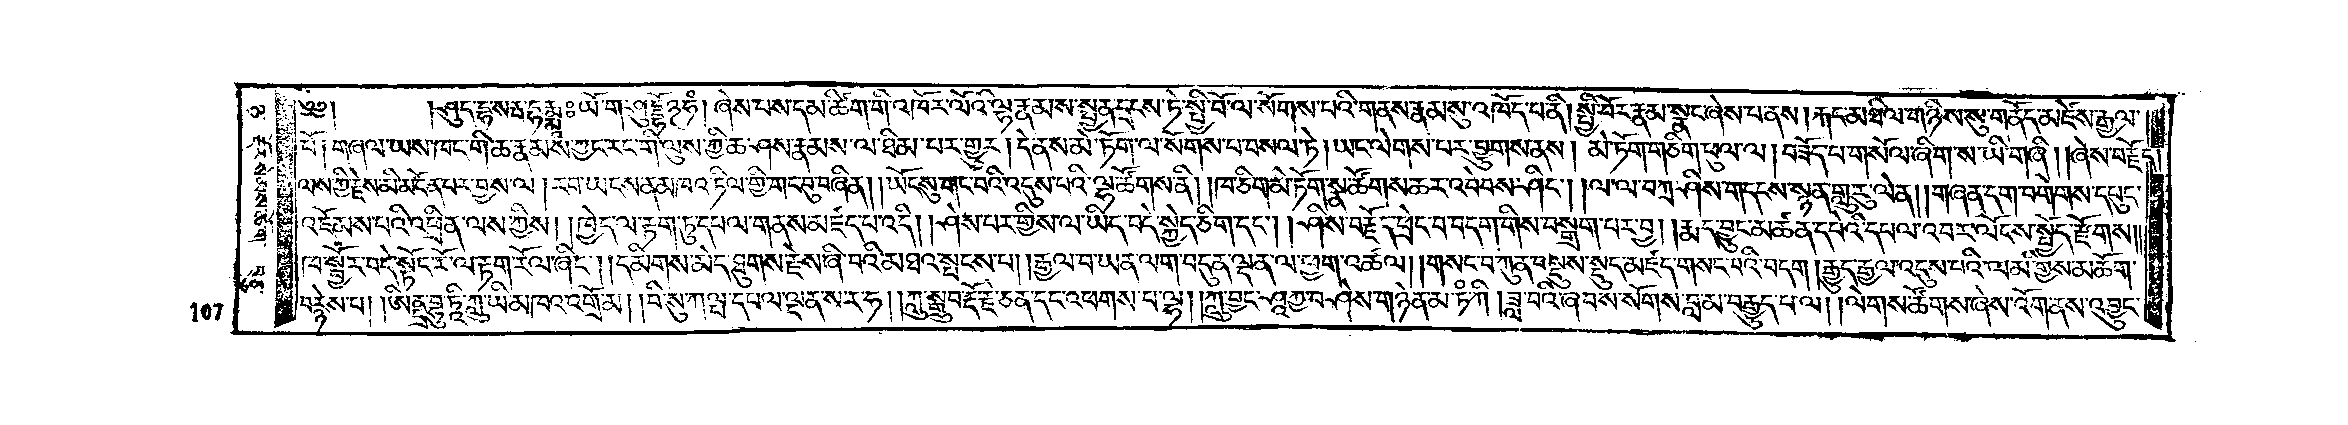༄༅། །ཤུད་དྷ་སརྦ་དྷརྨྨཱཿ ཡོ་ག་ཤུདྡྷོཉཧཾ། ཞེས་པས་དམ་ཚིག་གི་འཁོར་ལོའི་ལྷ་རྣམས་སྤྱན་དྲངས་ཏེ་སྤྱི་བོ་ལ་སོགས་པའི་གནས་རྣམས་སུ་འཁོད་པ་ནི། སྤྱི་བོར་རྣམ་སྣང་ཞེས་པ་ནས། རྐང་མཐིལ་གཉིས་སུ་གནོད་མཛེས་རྒྱལ་
པོ། གཞལ་ཡས་ཁང་གི་ཆ་རྣམས་ཀྱང་རང་གི་ལུས་ཀྱི་ཆ་ཤས་རྣམས་ལ་ཐིམ་པར་གྱུར། །དེ་ནས་མེ་ཏོག་ལ་སོགས་པ་བསལ་ཏེ། ཡང་ལེགས་པར་བྱུགས་ནས། མེ་ཏོག་གཅིག་ཕུལ་ལ། བཟོད་པ་གསོལ་ཞིག་ས་ཡི་གཞི། །ཞེས་བརྗོད་
ལས་ཀྱི་རྗེས་མི་མངོན་པར་བྱས་ལ། རབ་ཡངས་ནམ་མཁའ་ཏིལ་གྱི་གང་བུ་བཞིན། །ཡོངས་སུ་གང་བའི་འདུས་པའི་ལྷ་ཚོགས་ནི། །ཁ་ཅིག་མེ་ཏོག་སྣ་ཚོགས་ཆར་འབེབས་ཤིང་། །ལ་ལ་བཀྲ་ཤིས་གདངས་སྙན་གླུ་རུ་ལེན། །གཞན་དག་བགེགས་དཔུང་
འཇོམས་པའི་འཕྲིན་ལས་ཀྱིས། །ཁྱེད་ལ་རྟག་ཏུ་དཔལ་གནས་མཛད་པ་འདི། །ཤེས་པར་གྱིས་ལ་ཡིད་བདེ་སྐྱེད་ཅིག་དང་། །ཤིས་བརྗོད་ཕྲེང་བ་བདག་གིས་བསྒྲག་པར་བྱ། །རྨད་བྱུང་མཚན་དཔེའི་དཔལ་འབར་ལོངས་སྤྱོད་རྫོགས། །
ཁ་སྦྱོར་བདེ་སྟོང་རོ་ལ་རྟག་རོལ་ཞིང་། །དམིགས་མེད་ཐུགས་རྗེས་ཞི་བའི་མཐའ་སྤངས་པ། །རྒྱལ་བ་ཡན་ལག་བདུན་ལྡན་ལ་ཕྱག་འཚལ། །གསང་བ་ཀུན་བསྡུས་སྡུད་མཛད་གསང་བའི་བདག །རྒྱུད་རྒྱལ་འདུས་པའི་ལམ་གྱིས་མཆོག་
བརྙེས་པ། །ཨིནྡྲ་བྷུ་ཏཱི་ཀླུ་ཡི་མཁའ་འགྲོ་མ། །བི་སུ་ཀལྤ་དཔལ་ལྡན་ས་ར་ཧ། །ཀླུ་སྒྲུབ་རྡོ་རྗེ་ཅན་དང་འཕགས་པ་ལྷ། །ཀླུ་བྱང་ཤཱཀྱ་བཤེས་གཉེན་མ་ཏཾ་ཀི། ཟླ་བའི་ཞབས་སོགས་བླ་མ་བརྒྱུད་པ་ལ། །ལེགས་ཚོགས་ཞེས་འོག་ནས་འབྱུང་